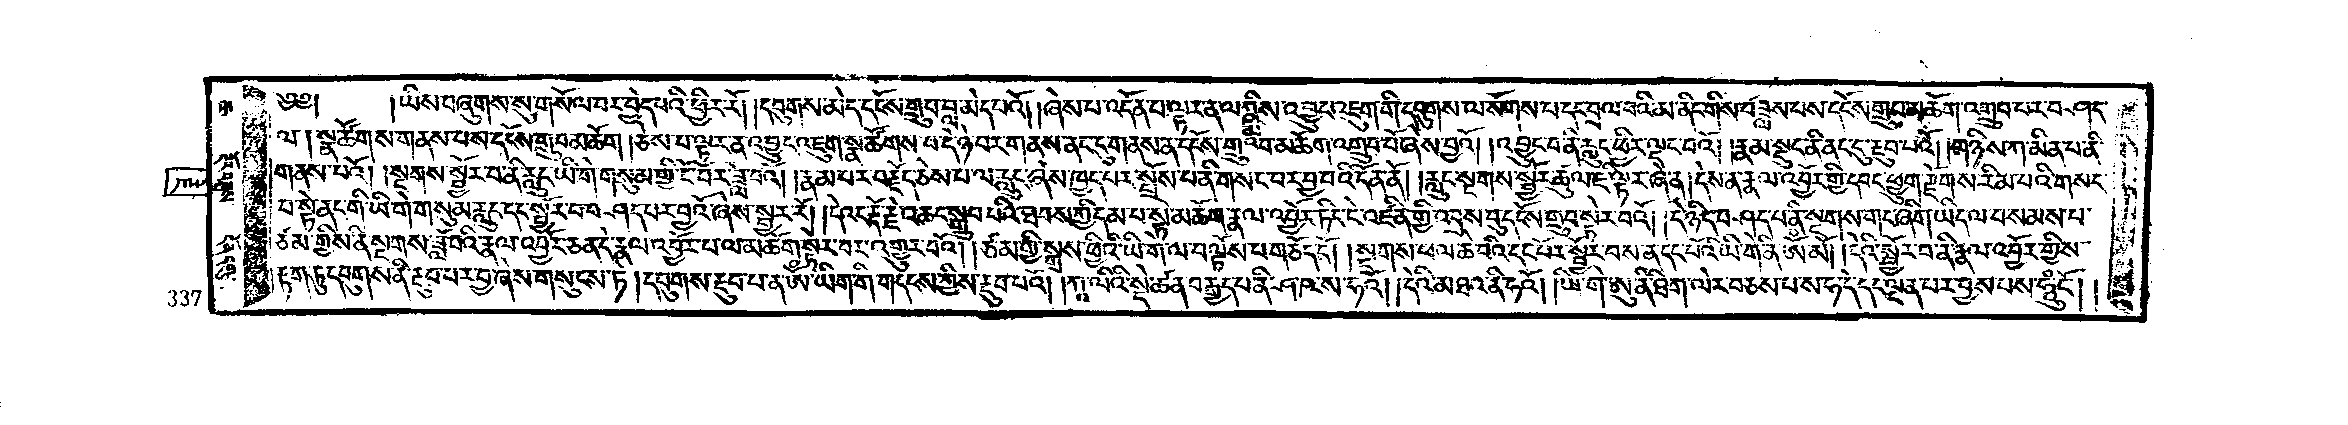༄༅། །ཡིས་བཞུགས་སུ་གསོལ་བར་བྱེད་པའི་ཕྱིར་རོ། །དབུགས་མེད་དངོས་གྲུབ་བླ་མེད་པའོ། །ཞེས་པ་འདོན་པ་ལྟར་ན་ལཀྵྨཱིས་འབྱུང་འཇུག་གི་དབུགས་ལ་སོགས་པ་དང་བྲལ་བའི་མ་ནིང་གིས་བཟླས་པས་དངོས་གྲུབ་མཆོག་འགྲུབ་པར་བཤད་
ལ། སྣ་ཚོགས་གནས་པས་དངོས་གྲུབ་མཆོག །ཅེས་པ་ལྟར་ན་འབྱུང་འཇུག་སྣ་ཚོགས་པ་དེ་ཉེ་བར་གནས་ནང་དུ་གནས་ན་དངོས་གྲུབ་མཆོག་འགྲུབ་བོ་ཞེས་བྱའོ། །འབྱུང་བ་ནི་རླུང་ཕྱིར་ལྡང་བའོ། །རྣམ་སྡུད་ནི་ནང་དུ་རྡུབ་པའོ། །གཉིས་ཀ་མིན་པ་ནི་
གནས་པའོ། །སྔགས་སྦྱོར་བ་ནི་རླུང་ཡི་གེ་གསུམ་གྱི་ངོ་བོར་ཟླ་བའོ། །རྣམ་པར་བརྗོད་ཅེས་པ་ལ་རླུང་ཞེས་ཁྱད་པར་སྤྲོས་པ་ནི་གསང་བར་བྱ་བའི་དོན་ནོ། །རླུང་སྔགས་སྦྱོར་ཚུལ་ཇི་ལྟར་ཞེ་ན། དེས་ན་རྣལ་འབྱོར་གྱི་དབང་ཕྱུག་རྫོགས་རིམ་པའི་གསང་
བ་སྟེ་ནང་གི་ཡི་གེ་གསུམ་རླུང་དང་སྦྱོར་བ་བཤད་པར་བྱའོ་ཞེས་སྦྱར་རོ། །དེའང་རྡོ་རྗེ་འཆང་སྒྲུབ་པའི་ཐབས་ཀྱི་དམ་པ་སྟེ་མཆོག་རྣལ་འབྱོར་ཏིང་ངེ་འཛིན་གྱི་འབྲས་བུ་དངོས་གྲུབ་སྟེར་བའོ། །དེ་ཉིད་བཤད་པ་ནི་སྔགས་གང་ཞིག་ཡིད་ལ་བསམས་པ་
ཙམ་གྱིས་ནི་སྔགས་ཟློ་བའི་རྣལ་འབྱོར་ཅན་དེ་རྣལ་འབྱོར་པ་ལ་མཆོག་སྟེར་བར་འགྱུར་བའོ། །ཙམ་གྱི་སྒྲས་ཕྱིའི་ཡི་གེ་ལ་བལྟོས་པ་གཅོད་དོ། །སྔགས་ཕལ་ཆེ་བའི་དང་པོར་སྦྱོར་བས་ན་དང་པོའི་ཡི་གེ་ནི་ཨོཾ་མོ། །དེའི་སྦྱོར་བ་ནི་རྣལ་འབྱོར་གྱིས་
རྟག་ཏུ་དབུགས་ནི་རྔུབ་པར་བྱ་ཞེས་གསུངས་ཏེ། དབུགས་རྔུབ་པ་ན་ཨོཾ་ཡིག་གི་གདངས་ཀྱིས་རྡུབ་པའོ། །ཀཱ་ལིའི་སྡེ་ཚན་བརྒྱད་པ་ནི་ཤ་ཥ་ས་ཧའོ། །དེའི་མཐའ་ནི་ཧའོ། །ཡི་གེ་ཨུ་ནི་ཐིག་ལེར་བཅས་པ་ས་ཧ་དེ་དང་ལྡན་པར་བྱས་པས་ཧཱུཾ་ངོ། །